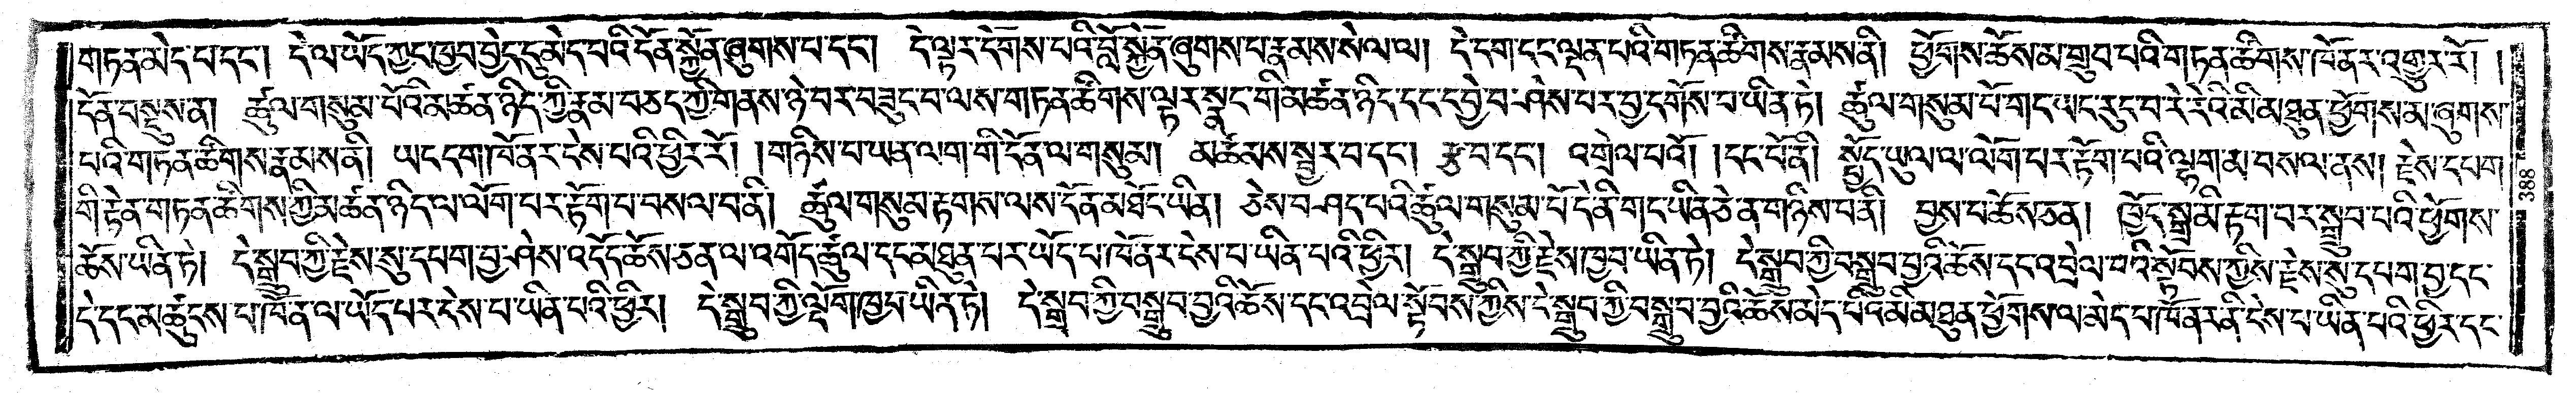གཏན་མེད་པ་དང་། དེ་ལ་ཡོད་ཀྱང་ཁྱབ་བྱེད་དུ་མེད་པའི་དོན་སྐྱོན་ཞུགས་པ་དང་། དེ་ལྟར་དོགས་པའི་བློ་སྐྱོན་ཞུགས་པ་རྣམས་སེལ་ལ། དེ་དག་དང་ལྡན་པའི་གཏན་ཚིགས་རྣམས་ནི། ཕྱོགས་ཆོས་མ་གྲུབ་པའི་གཏན་ཚིགས་ཁོ་ནར་འགྱུར་རོ། །
དོན་བསྡུས་ན། ཚུལ་གསུམ་པོའི་མཚན་ཉིད་ཀྱི་རྣམ་བཅད་ཀྱི་གནས་ཉེ་བར་བཟུང་བ་ལས་གཏན་ཚིགས་ལྟར་སྣང་གི་མཚན་ཉིད་དང་དབྱེ་བ་ཤེས་པར་བྱ་དགོས་བ་ཡིན་ཏེ། ཚུལ་གསུམ་པོ་གང་ཡང་རུང་བ་རེ་རེའི་མི་མཐུན་ཕྱོགས་མ་ཞུགས་
པའི་གཏན་ཚིགས་རྣམས་ནི། ཡང་དག་ཁོ་ནར་ངེས་པའི་ཕྱིར་རོ། །གཉིས་པ་ཡན་ལག་གི་དོན་ལ་གསུམ། མཚམས་སྦྱར་བ་དང་། རྩ་བ་དང་། འགྲེལ་པའོ། །དང་པོ་ནི། སྤྱོད་ཡུལ་ལ་ལོག་པར་རྟོག་པའི་ལྷག་མ་བསལ་ནས། རྗེས་དཔག་
གི་རྟེན་གཏན་ཚིགས་ཀྱི་མཚན་ཉིད་ལ་ལོག་པར་རྟོག་པ་བསལ་བ་ནི། ཚུལ་གསུམ་རྟགས་ལས་དོན་མཐོང་ཡིན། ཅེས་བཤད་པའི་ཚུལ་གསུམ་པོ་དེ་ནི་གང་ཡིན་ཅེ་ན་གཉིས་པ་ནི། བྱས་པ་ཆོས་ཅན། ཁྱོད་སྒྲ་མི་རྟག་པར་སྒྲུབ་པའི་ཕྱོགས་
ཆོས་ཡིན་ཏེ། དེ་སྒྲུབ་ཀྱི་རྗེས་སུ་དཔག་བྱ་ཤེས་འདོད་ཆོས་ཅན་ལ་འགོད་ཚུལ་དང་མཐུན་པར་ཡོད་པ་ཁོ་ནར་ངེས་པ་ཡིན་པའི་ཕྱིར། དེ་སྒྲུབ་ཀྱི་རྗེས་ཁྱབ་ཡིན་ཏེ། དེ་སྒྲུབ་ཀྱི་བསྒྲུབ་བྱའི་ཆོས་དང་འབྲེལ་བའི་སྟོབས་ཀྱིས་རྗེས་སུ་དཔག་བྱ་དང་
དེ་དང་མཚུངས་པ་ཁོ་ན་ལ་ཡོད་པར་ངེས་པ་ཡིན་པའི་ཕྱིར། དེ་སྒྲུབ་ཀྱི་ལྡོག་ཁྱབ་ཡིན་ཏེ། དེ་སྒྲུབ་ཀྱི་བསྒྲུབ་བྱའི་ཆོས་དང་འབྲེལ་སྟོབས་ཀྱིས་དེ་སྒྲུབ་ཀྱི་བསྒྲུབ་བྱའི་ཆོས་མེད་པའི་མི་མཐུན་ཕྱོགས་ལ་མེད་པ་ཁོ་ནར་ནི་ངེས་པ་ཡིན་པའི་ཕྱིར་དང་